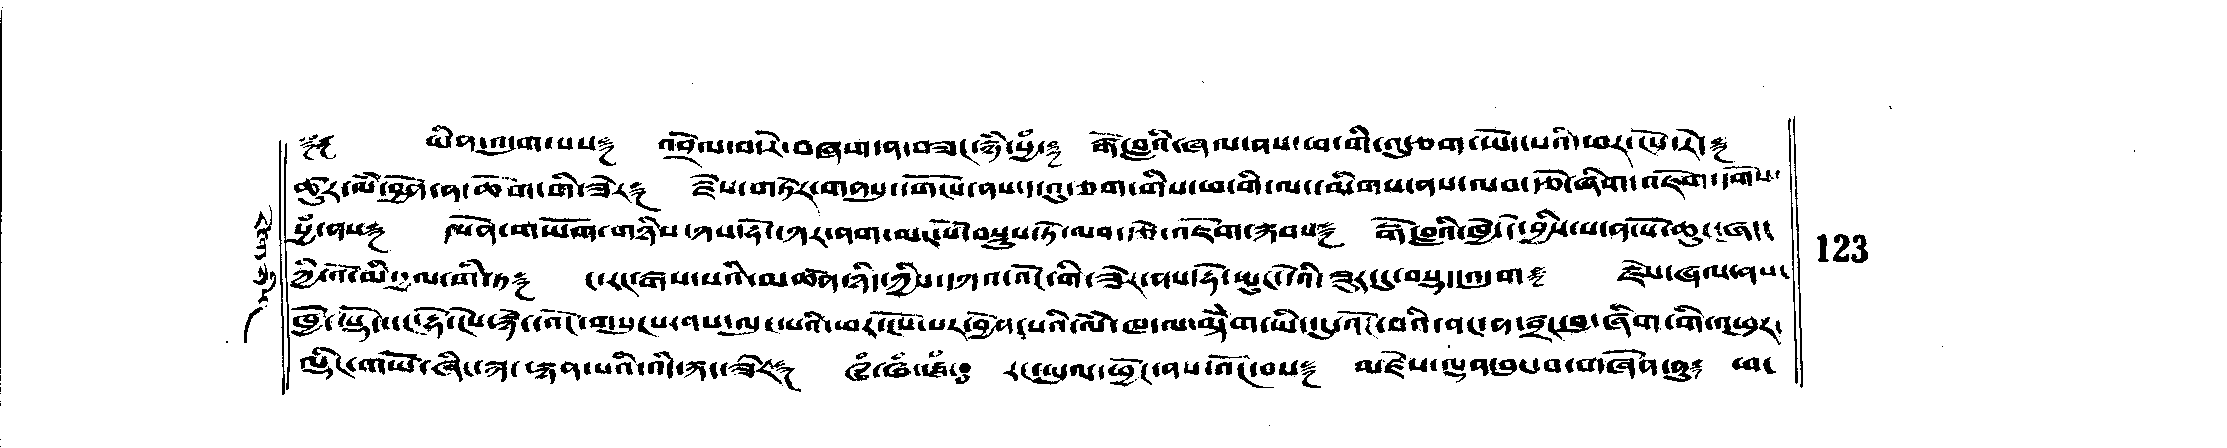ཡིན་འདུག་པས། འབྲེལ་བ་རེ་བཞག་ན་བཟང་སྙམ་གསུངས། སྒོ་བླའི་ཞལ་ནས་ཕ་གི་འུ་ཅག་ཡོད་པའི་ཕར་ངོས་རེད། 
ཚུར་ལམ་བྱོན་ན་ཆོག་གི་ཟེར། རྗེས་གཏེར་གནས་སུ་དགོངས་ནས་ད་འུ་ཅག་གིས་ཕ་གི་ལ་དམིགས་ནས་ལབ་རྩེ་ཞིག་འཇོག་དགོས་
གསུང་ནས། དཔོན་གཡོག་གཉིས་ཀས་རྡོ་དཀར་ནག་མང་པོ་བསྡུས་ཏེ་ལབ་རྩེ་འཇོག་སྐབས། སྒོ་བླའི་ཁྱེད་དེ་བྱིས་པ་ན་སོ་ཆུང་ཞད་
ཀྱི་འོ་མི་རྒྱལ་གི་ཏ། ང་རང་རྒས་པའི་མཚན་ཉིད་ཀྱིས་དཀའ་འོང་གི་ཟེར་ནས་རྡོ་ཡུང་དེའི་ཟུར་དུ་བསྡད་འདུག རྗེའི་ཞལ་ནས་
ཁྱོད་སྡོད་དང་རྡོ་ངས་རྙེད་འོང་གསུངས་ནས་ལུང་པའི་ཕར་ངོས་སར་བྱོན་པའི་ལམ་ཁ་ལ་མེ་ཏོག་ཡིད་དུ་འོང་བའི་ནང་ན་སྦྲང་བུ་ཞིག་གི་འཕུར་
ལྡིང་གཡོ་ཞིང་སྐད་སྙན་པའི་འདི་སྐད་ཟེར།ཝཾ་ཝཾ་ཝཾཿ རང་ཡུལ་ཕྱོགས་ནས་འོང་བས། །མཛེས་ལྡན་བུང་བ་གཞོན་ནུ། །ཕ་